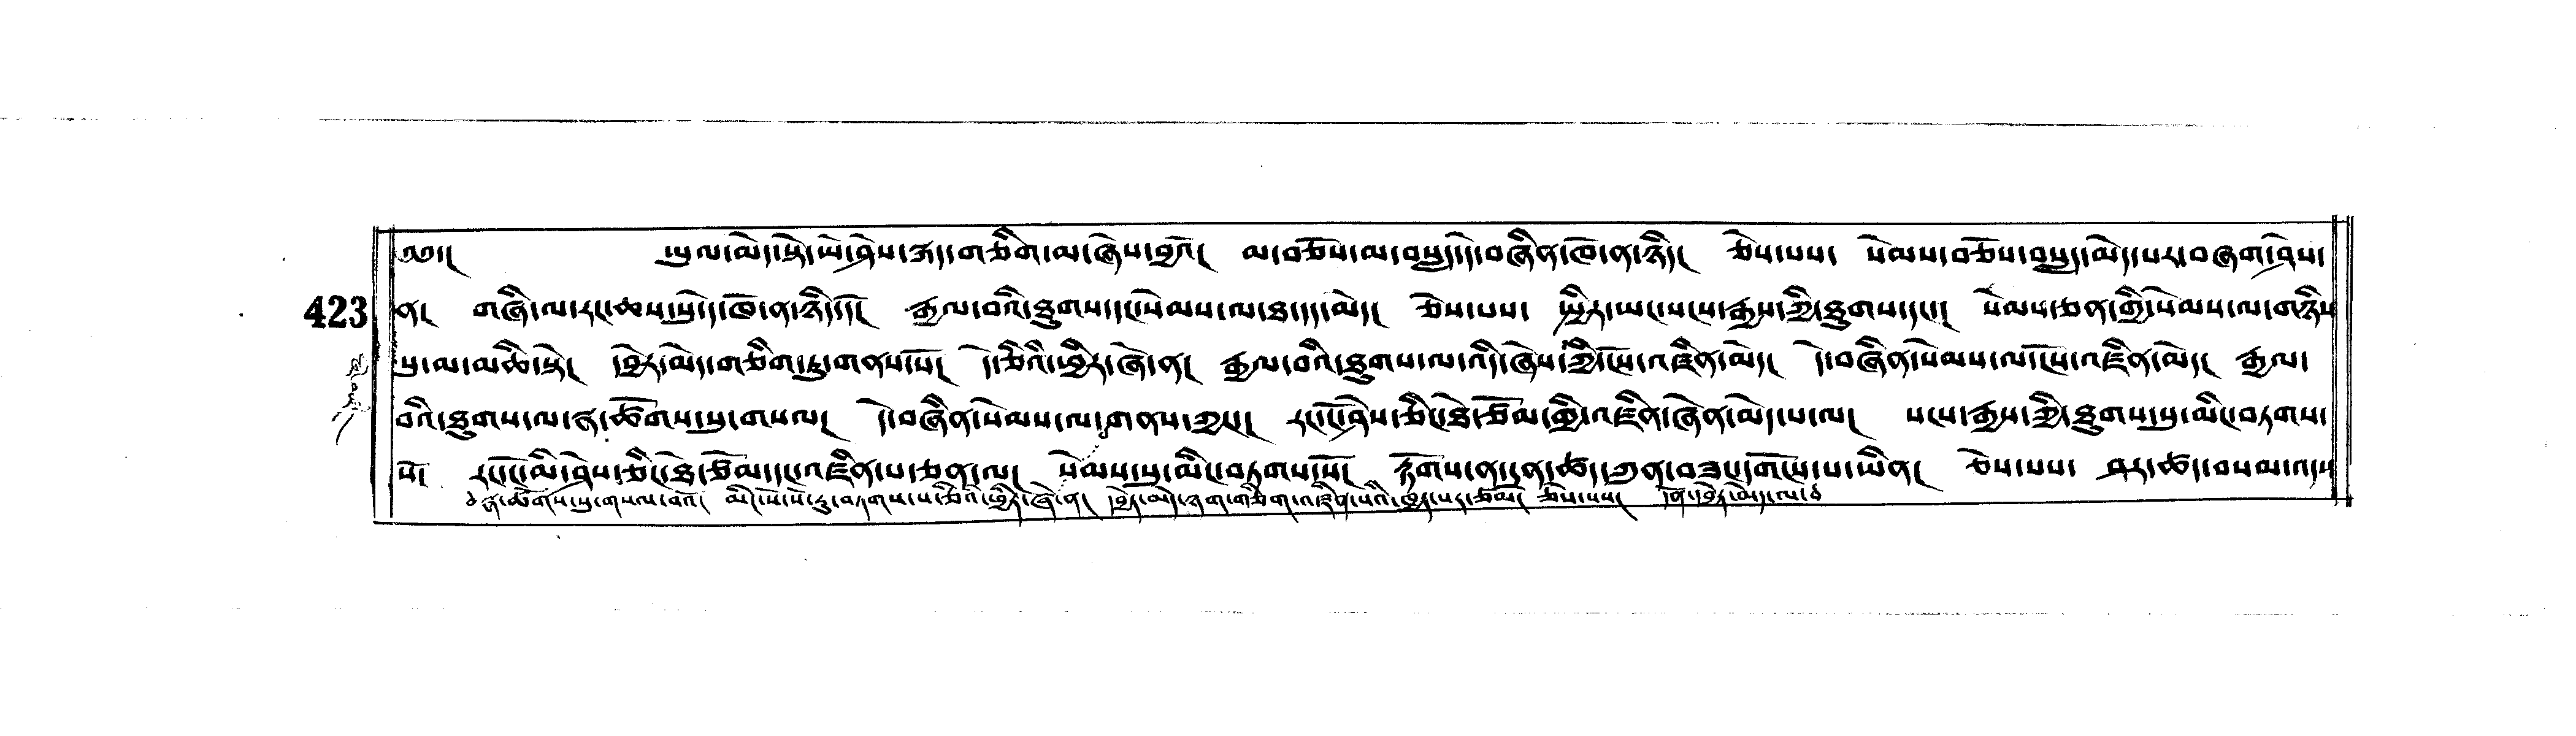ཡུལ་མེད་དེ་ཡེ་ཤེས་སྐད་ཅིག་མ་ཞེས་བྱའོ། མ་བཅོས་མ་བསླད་དེ་བཞིན་ཁོ་ན་ཉིད། ཅེས་པས། སེམས་བཅོས་སླད་མེད་པ་བཞག་ཤེས་
ན། གཞི་ལ་རང་ཆས་སུ་དེ་ཁོ་ན་ཉིད་དོ། རྒྱལ་བའི་ཐུགས་དང་སེམས་ལ་ཐ་དད་མེད། ཅེས་པས། སྤྱིར་ཡང་སངས་རྒྱས་ཀྱི་ཐུགས་དང་། སེམས་ཅན་གྱི་སེམས་ལ་གཉིས་
སུ་མ་མཆིས་ཏེ། དབྱེར་མེད་གཅིག་ཏུ་གནས་སོ། དེ་ཅིའི་ཕྱིར་ཞེ་ན། རྒྱལ་བའི་ཐུགས་ཀྱི་ངོས་འཛིན་མེད། དེ་བཞིན་སེམས་ལ་ངོས་འཛིན་མེད། རྒྱལ་
བའི་ཐུགས་ལ་སྣ་ཚོགས་སུ་གསལ། དེ་བཞིན་སེམས་ལ་སྣ་ཚོགས་སུ་གསལ་བའོ། མིང་སོ་སོ་རུ་བཏགས་པ་ཅིའི་ཕྱིར་ཞེ་ན། དབྱེར་མེད་ཉག་ཅིག་འཛིན་པའི་ཁྱད་པར་ཙམ། ཅེས་པས། དོན་དབྱེར་མེད་ལ་གནས་ཀྱང་། རང་ངོ་ཤེས་ཤིང་ཐེ་ཚོམ་གྱི་འཛིན་ཞེན་མེད་པ་ལ། སངས་རྒྱས་ཀྱི་ཐུགས་སུ་མིང་བཏགས་
སོ། རང་ངོ་མི་ཤེས་ཤིང་ཐེ་ཚོམ་དང་འཛིན་པ་ཅན་ལ། སེམས་སུ་མིང་བཏགས་སོ། རྟོགས་ན་དྲན་ཚད་ཀུན་བཟང་དགོངས་པ་ཡིན། ཅེས་པས། ཤར་ཚད་བསམ་འདས་